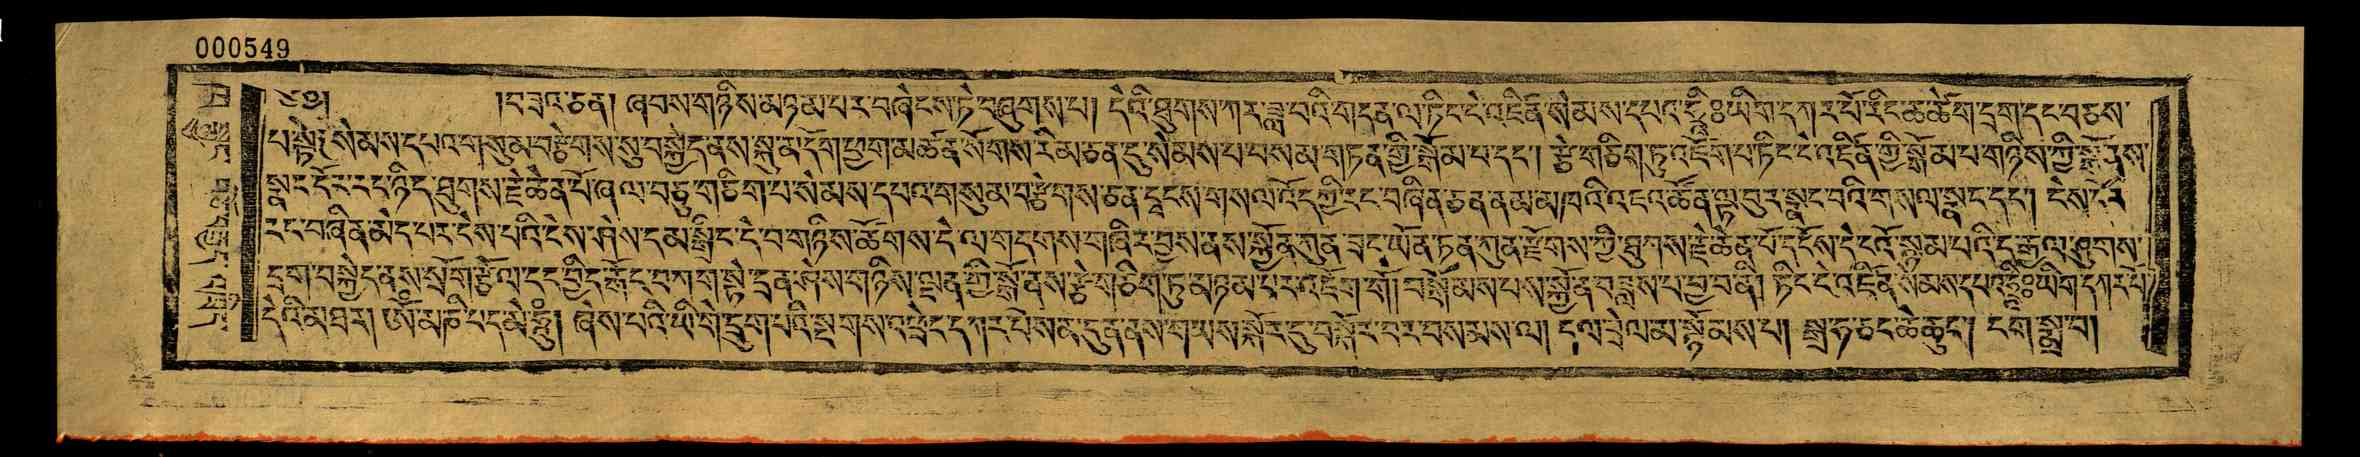༄༅། །བཟའ་ཅན། ཞབས་གཉིས་མཉམ་པར་བཞེངས་ཏེ་བཞུགས་པ། དེའི་ཐུགས་ཀར་ཟླ་བའི་གདན་ལ་ཏིང་ངེ་འཛིན་སེམས་དཔའ་ཧྲཱིཿ ཡིག་དཀར་པོ་རིང་ཆ་ཚེག་དྲག་དང་བཅས་
པ་སྟེ༑ སེམས་དཔའ་གསུམ་བརྩེགས་སུ་བསྐྱེད་ནས་སྐུ་མདོག་ཕྱག་མཚན་སོགས་རིམ་ཅན་དུ་སེམས་པ་བསམ་གཏན་གྱི་སྒོམ་པ་དང་། རྩེ་གཅིག་ཏུ་འཇོག་པ་ཏིང་ངེ་འཛིན་གྱི་སྒོམ་པ་གཉིས་ཀྱི་སྒོ་ནས་
སྣང་ངོར་རང་ཉིད་ཐུགས་རྗེ་ཆེན་པོ་ཞལ་བཅུ་གཅིག་པ་སེམས་དཔའ་གསུམ་བརྩེགས་ཅན་དྭངས་གསལ་འོད་ཀྱི་རང་བཞིན་ཅན་ནམ་མཁའི་འཇའ་ཚོན་ལྟ་བུར་སྣང་བའི་གསལ་སྣང་དང་། ངེས་ངོར་
རང་བཞིན་མེད་པར་ངེས་པའི་ངེས་ཤེས་དམ་སྒྲིང་ངེ་བ་གཉིས་ཚོགས་དེ་ལ་གདགས་གཞིར་བྱས་ནས་སྐྱོན་ཀུན་ཟང་ཡོན་ཏན་ཀུན་རྫོགས་ཀྱི་ཐུགས་རྗེ་ཆེན་པོ་དངོས་དེ་ངའོ་སྙམ་པའི་ང་རྒྱལ་ཤུགས་
དྲག་བསྐྱེད་ནས་སྲེག་རྩོལ་དང་བྱིང་རྒོད་བཀག་སྟེ་དྲན་ཤེས་གཉིས་ལྡན་གྱི་སྒོ་ནས་རྩེ་གཅིག་ཏུ་མཉམ་པར་འཇོག་གོ །བསྒོམས་པས་སྐྱོན་བཟླས་པ་བྱ་བ་ནི། ཏིང་ངེ་འཛིན་སེམས་དཔའ་ཧྲཱིཿ ཡིག་དཀར་པོ་
དེའི་མཐར། ཨོཾ་མ་ཎི་པད་མེ་ཧཱུཾ། ཞེས་པའི་ཡི་གེ་དྲུག་པའི་སྔགས་འཕྲེང་དཀར་པོས་མདུན་ནས་གཡས་སྐོར་དུ་བསྐོར་བར་བསམས་ལ། དལ་བྲེལ་མ་སྙོམས་པ། སྒྲ་ཧ་ཅང་ཆེ་ཆུང་། ངག་སྨྲ་བ།